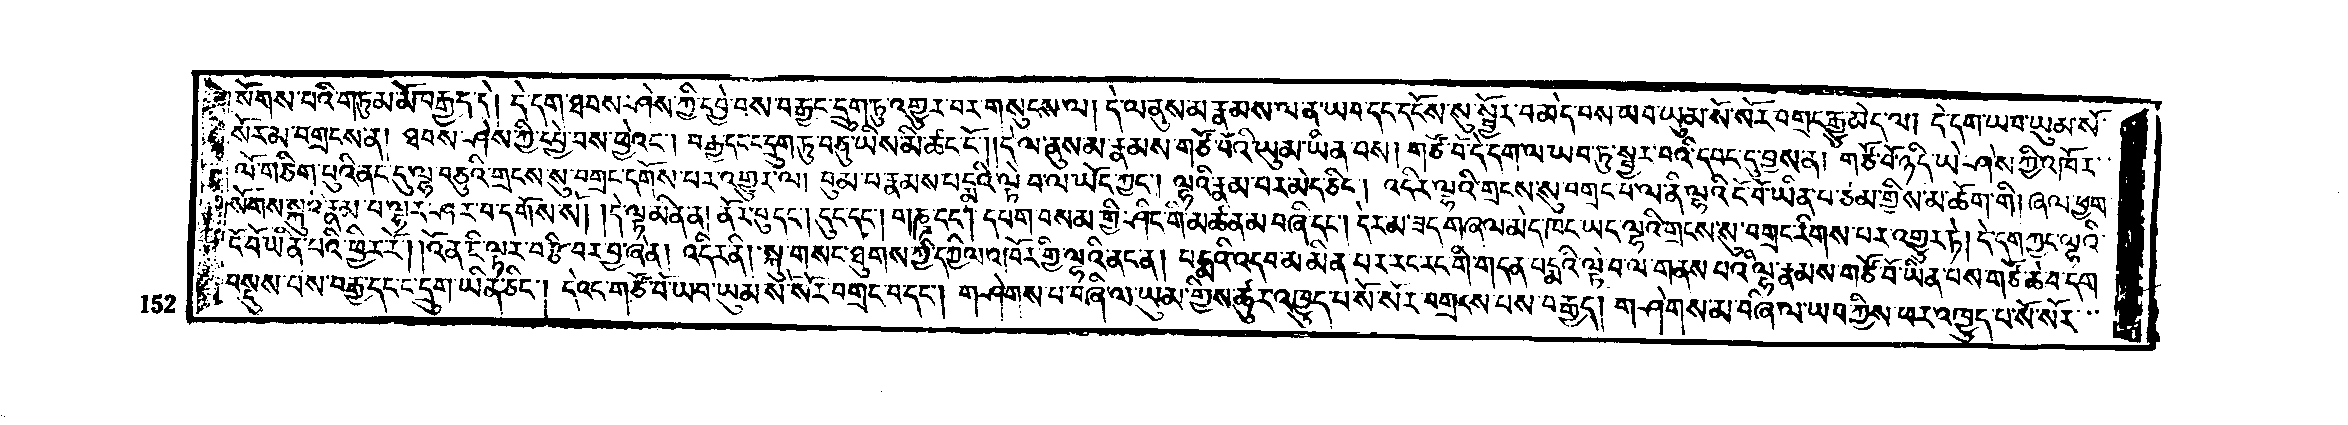སོགས་པའི་གཏུམ་མོ་བརྒྱད་དེ། དེ་དག་ཐབས་ཤེས་ཀྱི་དབྱེ་བས་བརྒྱད་དྲུག་ཏུ་འགྱུར་བར་གསུངས་ལ། དེ་ལ་ནུས་མ་རྣམས་ལ་ན་ཡབ་དང་དངོས་སུ་སྦྱོར་བ་མེད་པས་ཡབ་ཡུམ་སོ་སོར་བགྲང་རྒྱུ་མེད་ལ། དེ་དག་ཡབ་ཡུམ་སོ་
སོར་མ་བགྲངས་ན། ཐབས་ཤེས་ཀྱི་དབྱེ་བས་ཕྱེའང་། བརྒྱ་དང་ང་དྲུག་ཏུ་བཅུ་ཡིས་མི་ཚང་ངོ། །དེ་ལ་ནུས་མ་རྣམས་གཙོ་བོའི་ཡུམ་ཡིན་པས། གཙོ་བོ་དེ་དག་ལ་ཡབ་ཏུ་སྦྱར་བའི་དབང་དུ་བྱས་ན། གཙོ་བོ་ཉིད་ཡེ་ཤེས་ཀྱི་འཁོར་
ལོ་གཅིག་པུའི་ནང་དུ་ལྷ་བཅུའི་གྲངས་སུ་བགྲང་དགོས་པར་འགྱུར་ལ། བུམ་པ་རྣམས་པདམའི་ལྟེ་བ་ལ་ཡོད་ཀྱང་། ལྷའི་རྣམ་པར་མེད་ཅིང་། འདིར་ལྷའི་གྲངས་སུ་བགྲང་པ་ལ་ནི་ལྷའི་ངོ་བོ་ཡིན་པ་ཙམ་གྱིས་མ་ཆོག་གི། ཞལ་ཕྱག་
སོགས་སྐུའི་རྣམ་པ་ལྷར་ཤར་བ་དགོས་སོ། །དེ་ལྟ་མིན་ན། ནོར་བུ་དང་། དུང་དང་། གཎྜ་དང་། དཔག་བསམ་གྱི་ཤིང་གི་མཚན་མ་བཞི་དང་། དེར་མ་ཟད་གཞལ་མེད་ཁང་ཡང་ལྷའི་གྲངས་སུ་བགྲང་རིགས་པར་འགྱུར་ཏེ། དེ་དག་ཀྱང་ལྷའི་
ངོ་བོ་ཡིན་པའི་ཕྱིར་རོ། །འོ་ན་ཇི་ལྟར་བརྩི་བར་བྱ་ཞེ་ན། འདིར་ནི། སྐུ་གསུང་ཐུགས་ཀྱི་དཀྱིལ་འཁོར་གྱི་ལྷའི་ནང་ན། པདམའི་འདབ་མ་མིན་པར་རང་རང་གི་གདན་པདམའི་ལྟེ་བ་ལ་གནས་པའི་ལྷ་རྣམས་གཙོ་བོ་ཡིན་པས་གཙོ་ཆེ་བ་དག་
བསྡུས་པས་བརྒྱ་དང་ང་དྲུག་ཡིན་ཅིང་། དེའང་གཙོ་བོ་ཡབ་ཡུམ་སོ་སོར་བགྲང་བ་དང་། གཤེགས་པ་བཞི་ལ་ཡུམ་གྱིས་ཚུར་འཁྱུད་པ་སོ་སོར་བགྲངས་པས་བརྒྱད། གཤེགས་མ་བཞི་ལ་ཡབ་ཀྱིས་ཕར་འཁྱུད་པ་སོ་སོར་